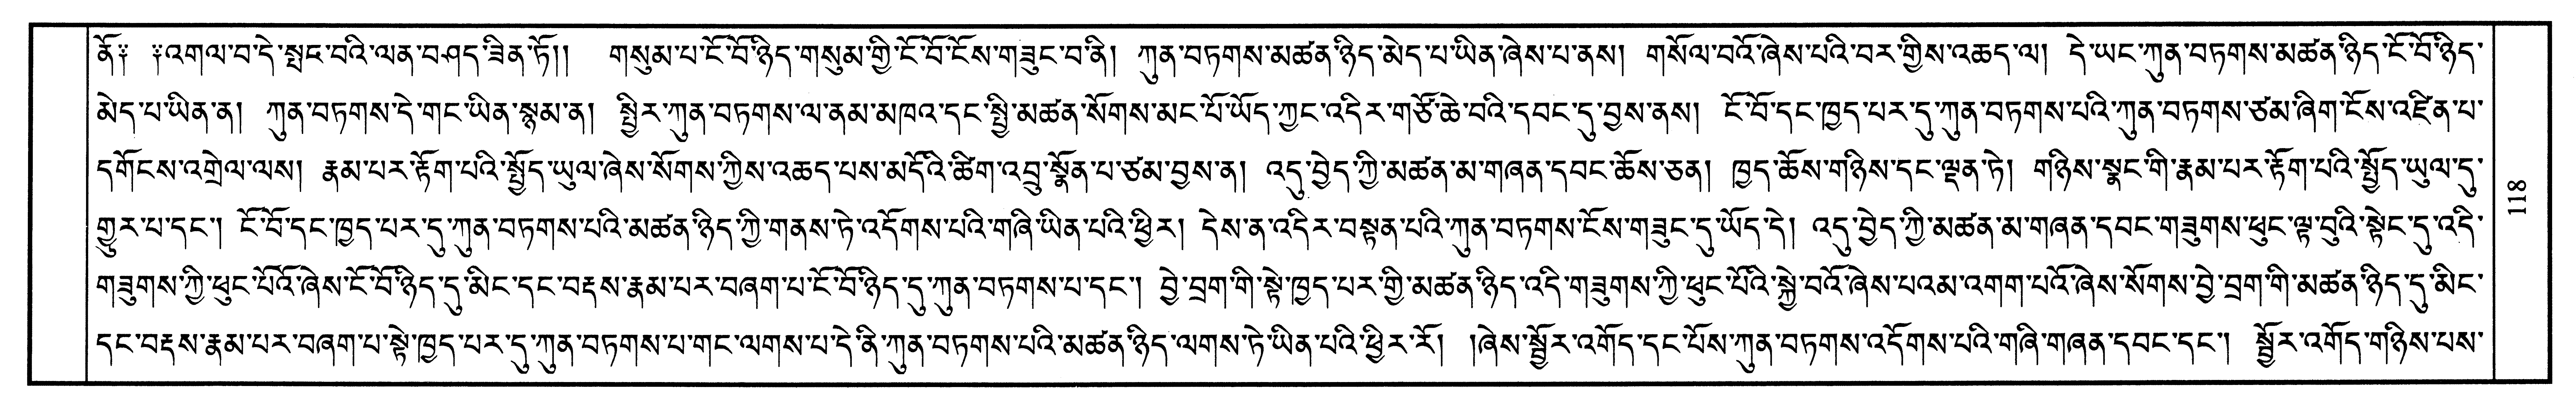ནོ༑ ༑འགལ་བ་དེ་སྤང་བའི་ལན་བཤད་ཟིན་ཏོ།། གསུམ་པ་ངོ་བོ་ཉིད་གསུམ་གྱི་ངོ་བོ་ངོས་གཟུང་བ་ནི། ཀུན་བཏགས་མཚན་ཉིད་མེད་པ་ཡིན་ཞེས་པ་ནས། གསོལ་བའོ་ཞེས་པའི་བར་གྱིས་འཆད་ལ། དེ་ཡང་ཀུན་བཏགས་མཚན་ཉིད་ངོ་བོ་ཉིད་
མེད་པ་ཡིན་ན། ཀུན་བཏགས་དེ་གང་ཡིན་སྙམ་ན། སྤྱིར་ཀུན་བཏགས་ལ་ནམ་མཁའ་དང་སྤྱི་མཚན་སོགས་མང་པོ་ཡོད་ཀྱང་འདིར་གཙོ་ཆེ་བའི་དབང་དུ་བྱས་ནས། ངོ་བོ་དང་ཁྱད་པར་དུ་ཀུན་བཏགས་པའི་ཀུན་བཏགས་ཙམ་ཞིག་ངོས་འཛིན་པ་
དགོངས་འགྲེལ་ལས། རྣམ་པར་རྟོག་པའི་སྤྱོད་ཡུལ་ཞེས་སོགས་ཀྱིས་འཆད་པས་མདོའི་ཚིག་འབྲུ་སྣོན་པ་ཙམ་བྱས་ན། འདུ་བྱེད་ཀྱི་མཚན་མ་གཞན་དབང་ཆོས་ཅན། ཁྱད་ཆོས་གཉིས་དང་ལྡན་ཏེ། གཉིས་སྣང་གི་རྣམ་པར་རྟོག་པའི་སྤྱོད་ཡུལ་དུ་
གྱུར་པ་དང་། ངོ་བོ་དང་ཁྱད་པར་དུ་ཀུན་བཏགས་པའི་མཚན་ཉིད་ཀྱི་གནས་ཏེ་འདོགས་པའི་གཞི་ཡིན་པའི་ཕྱིར། དེས་ན་འདིར་བསྟན་པའི་ཀུན་བཏགས་ངོས་གཟུང་དུ་ཡོད་དེ། འདུ་བྱེད་ཀྱི་མཚན་མ་གཞན་དབང་གཟུགས་ཕུང་ལྟ་བུའི་སྟེང་དུ་འདི་
གཟུགས་ཀྱི་ཕུང་པོའོ་ཞེས་ངོ་བོ་ཉིད་དུ་མིང་དང་བརྡས་རྣམ་པར་བཞག་པ་ངོ་བོ་ཉིད་དུ་ཀུན་བཏགས་པ་དང་། བྱེ་བྲག་གི་སྟེ་ཁྱད་པར་གྱི་མཚན་ཉིད་འདི་གཟུགས་ཀྱི་ཕུང་པོའི་སྐྱེ་བའོ་ཞེས་པའམ་འགག་པའོ་ཞེས་སོགས་བྱེ་བྲག་གི་མཚན་ཉིད་དུ་མིང་
དང་བརྡས་རྣམ་པར་བཞག་པ་སྟེ་ཁྱད་པར་དུ་ཀུན་བཏགས་པ་གང་ལགས་པ་དེ་ནི་ཀུན་བཏགས་པའི་མཚན་ཉིད་ལགས་ཏེ་ཡིན་པའི་ཕྱིར་རོ། །ཞེས་སྦྱོར་འགོད་དང་པོས་ཀུན་བཏགས་འདོགས་པའི་གཞི་གཞན་དབང་དང་། སྦྱོར་འགོད་གཉིས་པས་